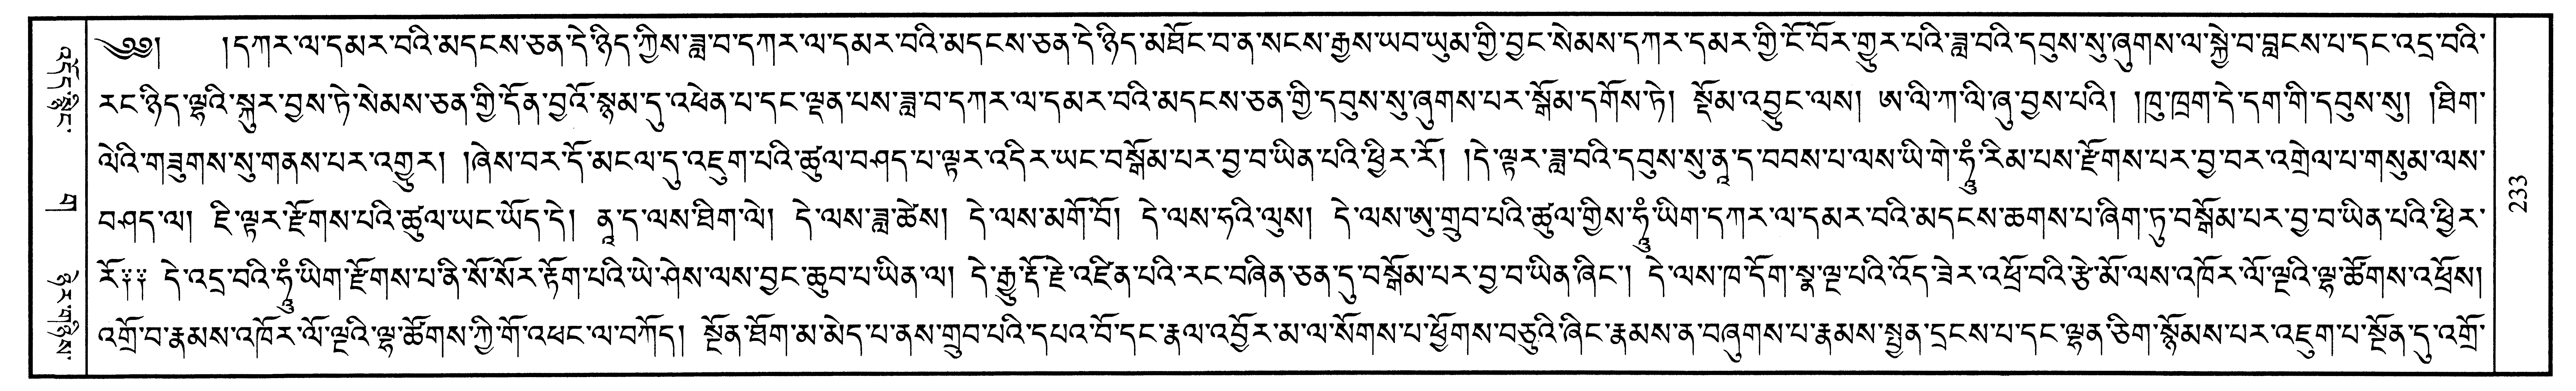༄༅། །དཀར་ལ་དམར་བའི་མདངས་ཅན་དེ་ཉིད་ཀྱིས་ཟླ་བ་དཀར་ལ་དམར་བའི་མདངས་ཅན་དེ་ཉིད་མཐོང་བ་ན་སངས་རྒྱས་ཡབ་ཡུམ་གྱི་བྱང་སེམས་དཀར་དམར་གྱི་ངོ་བོར་གྱུར་པའི་ཟླ་བའི་དབུས་སུ་ཞུགས་ལ་སྐྱེ་བ་བླངས་པ་དང་འདྲ་བའི་
རང་ཉིད་ལྷའི་སྐུར་བྱས་ཏེ་སེམས་ཅན་གྱི་དོན་བྱའོ་སྙམ་དུ་འཕེན་པ་དང་ལྡན་པས་ཟླ་བ་དཀར་ལ་དམར་བའི་མདངས་ཅན་གྱི་དབུས་སུ་ཞུགས་པར་སྒོམ་དགོས་ཏེ། སྡོམ་འབྱུང་ལས། ཨ་ལི་ཀ་ལི་ཞུ་བྱས་པའི། །ཁུ་ཁྲག་དེ་དག་གི་དབུས་སུ། །ཐིག་
ལེའི་གཟུགས་སུ་གནས་པར་འགྱུར། །ཞེས་བར་དོ་མངལ་དུ་འཇུག་པའི་ཚུལ་བཤད་པ་ལྟར་འདིར་ཡང་བསྒོམ་པར་བྱ་བ་ཡིན་པའི་ཕྱིར་རོ། །དེ་ལྟར་ཟླ་བའི་དབུས་སུ་ནཱ་ད་བབས་པ་ལས་ཡི་གེ་ཧཱུཾ་རིམ་པས་རྫོགས་པར་བྱ་བར་འགྲེལ་པ་གསུམ་ལས་
བཤད་ལ། ཇི་ལྟར་རྫོགས་པའི་ཚུལ་ཡང་ཡོད་དེ། ནཱ་ད་ལས་ཐིག་ལེ། དེ་ལས་ཟླ་ཚེས། དེ་ལས་མགོ་བོ། དེ་ལས་ཧའི་ལུས། དེ་ལས་ཨུ་གྲུབ་པའི་ཚུལ་གྱིས་ཧཱུཾ་ཡིག་དཀར་ལ་དམར་བའི་མདངས་ཆགས་པ་ཞིག་ཏུ་བསྒོམ་པར་བྱ་བ་ཡིན་པའི་ཕྱིར་
རོ།། དེ་འདྲ་བའི་ཧཱུཾ་ཡིག་རྫོགས་པ་ནི་སོ་སོར་རྟོག་པའི་ཡེ་ཤེས་ལས་བྱང་ཆུབ་པ་ཡིན་ལ། དེ་རྒྱུ་རྡོ་རྗེ་འཛིན་པའི་རང་བཞིན་ཅན་དུ་བསྒོམ་པར་བྱ་བ་ཡིན་ཞིང་། དེ་ལས་ཁ་དོག་སྣ་ལྔ་པའི་འོད་ཟེར་འཕྲོ་བའི་རྩེ་མོ་ལས་འཁོར་ལོ་ལྔའི་ལྷ་ཚོགས་འཕྲོས།
འགྲོ་བ་རྣམས་འཁོར་ལོ་ལྔའི་ལྷ་ཚོགས་ཀྱི་གོ་འཕང་ལ་བཀོད། སྔོན་ཐོག་མ་མེད་པ་ནས་གྲུབ་པའི་དཔའ་བོ་དང་རྣལ་འབྱོར་མ་ལ་སོགས་པ་ཕྱོགས་བཅུའི་ཞིང་རྣམས་ན་བཞུགས་པ་རྣམས་སྤྱན་དྲངས་པ་དང་ལྷན་ཅིག་སྙོམས་པར་འཇུག་པ་སྔོན་དུ་འགྲོ་